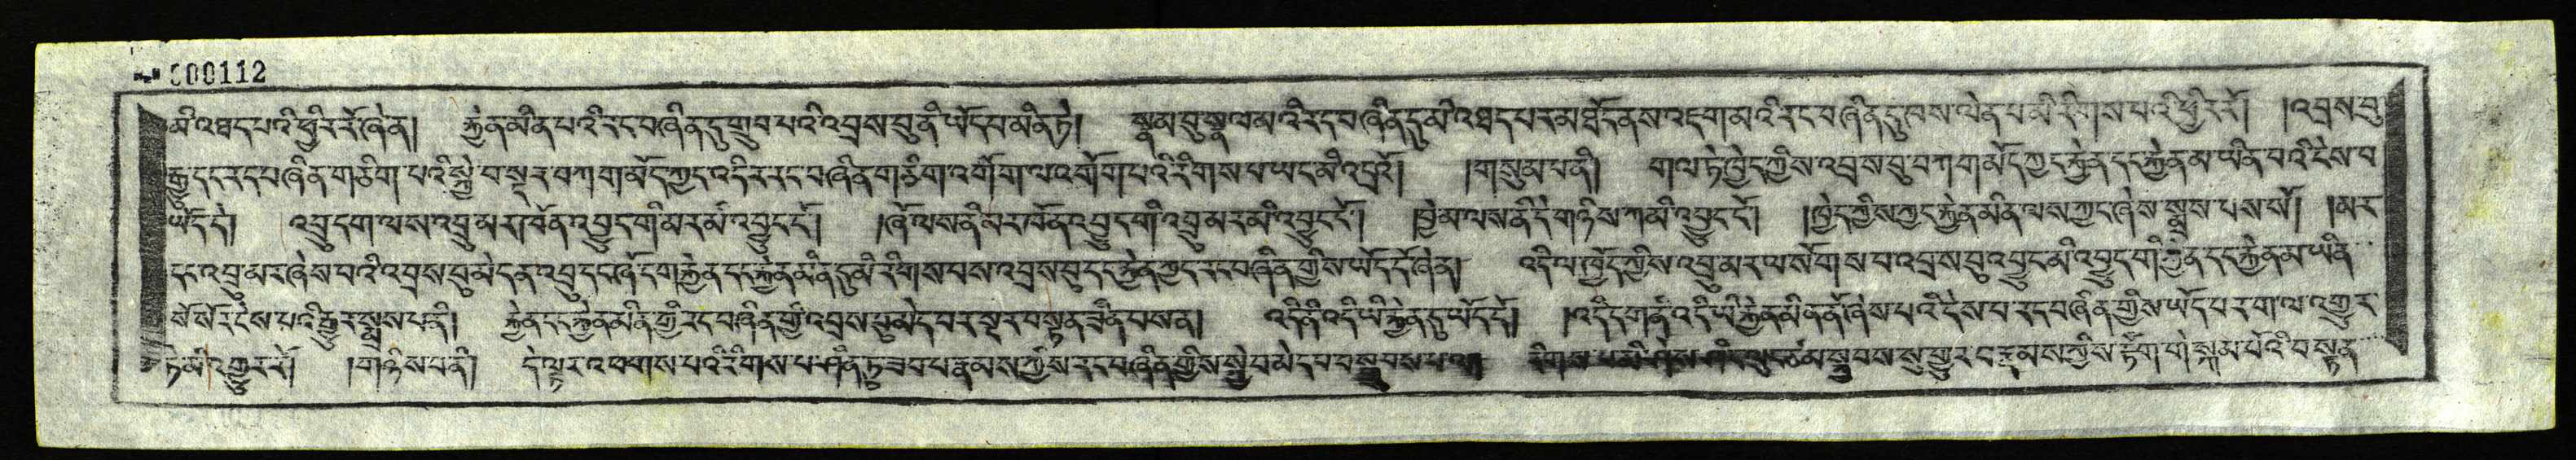མི་འཐད་པའི་ཕྱིར་རོ་ཞེ་ན། རྐྱེན་མིན་པའི་རང་བཞིན་དུ་གྲུབ་པའི་འབྲས་བུ་ནི་ཡོད་པ་མིན་ཏེ། སྣམ་བུ་སྣལ་མའི་རང་བཞིན་དུ་མི་འཐད་པར་མཐོང་ནས་འཇག་མའི་རང་བཞིན་དུ་ཁས་ལེན་པ་མི་རིགས་པའི་ཕྱིར་རོ། །འབྲས་བུ་
རྒྱུ་དང་རང་བཞིན་གཅིག་པའི་སྐྱེ་བ་སྔར་བཀག་མོད་ཀྱང་འདིར་རང་བཞིན་གཅིག་འགོག་ལ་འགོག་པའི་རིགས་པ་ཡང་མི་འདྲའོ། །གསུམ་པ་ནི། གལ་ཏེ་ཁྱེད་ཀྱིས་འབྲས་བུ་བཀག་མོད་ཀྱང་རྐྱེན་དང་རྐྱེན་མ་ཡིན་པའི་ངེས་པ་
ཡོད་དེ། འབྲུ་དག་ལས་འབྲུ་མར་ཁོ་ན་འབྱུང་གི་མར་མི་འབྱུང་ངོ། །ཞོ་ལས་ནི་མར་ཁོ་ན་འབྱུང་གི་འབྲུ་མར་མི་འབྱུང་ངོ། །བྱེ་མ་ལས་ནི་དེ་གཉིས་ཀ་མི་འབྱུང་ངོ། །ཁྱེད་ཀྱིས་ཀྱང་རྐྱེན་མིན་ལས་ཀྱང་ཞེས་སྨྲས་པས་སོ། །མར་
དང་འབྲུ་མར་ཞེས་པའི་འབྲས་བུ་མེད་ན་འབྲུ་དང་ཞོ་དག་རྐྱེན་དང་རྐྱེན་མིན་དུ་མི་རིགས་པས་འབྲས་བུ་དང་རྐྱེན་ཀྱང་རང་བཞིན་གྱིས་ཡོད་དོ་ཞེ་ན། འདི་ལ་ཁྱོད་ཀྱིས་འབྲུ་མར་ལ་སོགས་པ་འབྲས་བུ་འབྱུང་མི་འབྱུང་གི་རྐྱེན་དང་རྐྱེན་མ་ཡིན་
སོ་སོར་ངེས་པའི་རྒྱུར་སྨྲས་པ་ནི། རྐྱེན་དང་རྐྱེན་མིན་གྱི་རང་བཞིན་གྱི་འབྲས་བུ་མེད་པར་སྔར་བསྟན་ཟིན་པས་ན། འདི་ནི་འདི་ཡི་རྐྱེན་དུ་ཡོད་དོ། །འདི་དག་ནི་འདི་ཡི་རྐྱེན་མིན་ནོ་ཞེས་པའི་དེས་པ་རང་བཞིན་གྱིས་ཡོད་པར་ག་ལ་འགྱུར་
ཏེ་མི་འགྱུར་རོ། །གཉིས་པ་ནི། དེ་ལྟར་འཕགས་པའི་རིགས་པ་ཤིན་ཏུ་ཟབ་པ་རྣམས་ཀྱིས་རང་བཞིན་གྱིས་སྐྱེ་བ་མེད་པ་བསྒྲུབས་པ་ལ། རིགས་པ་མི་ཤེས་ཤིང་ལུང་ཙམ་སྐྱབས་སུ་གྱུར་བ་རྣམས་ཀྱིས་རྟོག་གེ་སྐམ་པོའི་བསྟན་